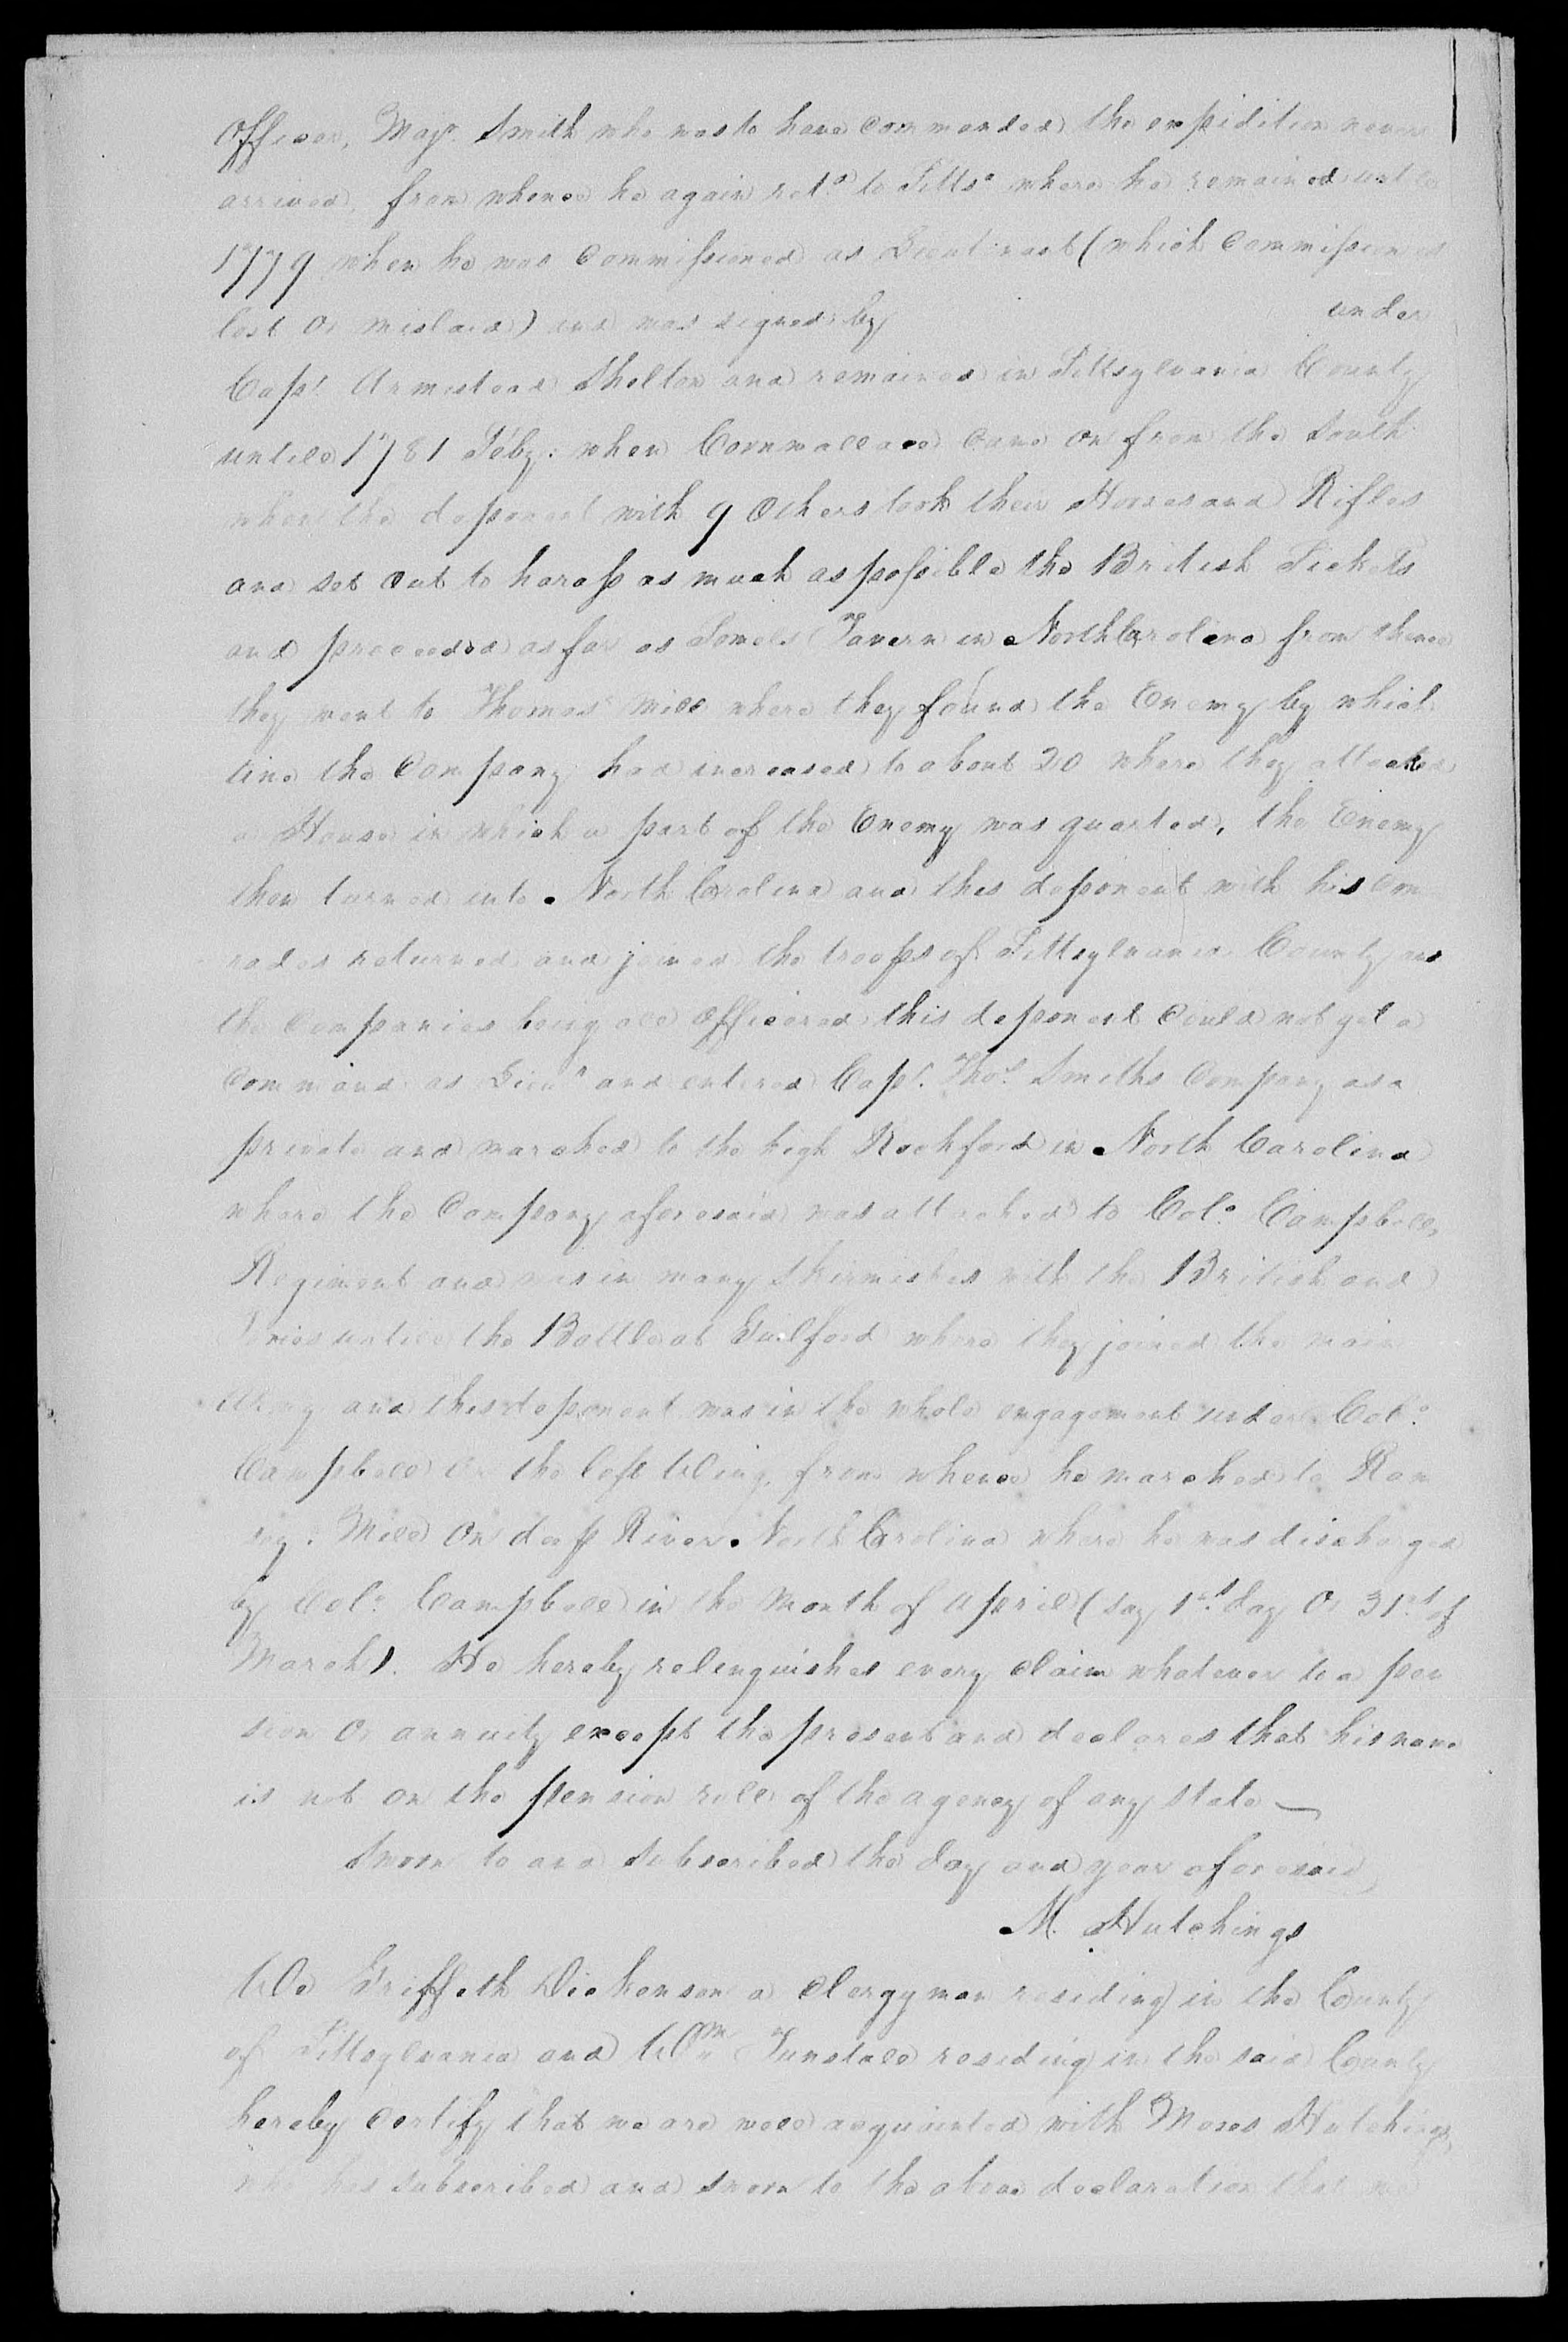officer Maj’r. [Major] Smith who was to have commanded the expedition never arrived, from whence he again ret’d. [returned] to Pitts’a. [Pittsylvania] where he remained untill [until] 1779 when he was commissioned as Lieutenant (which commission is lost or mislaid) and was signed by [blank] under Capt. Armistead Shelton and remained in Pittsylvania County untill [until] 1781 Feby. when Cornwallace [Lord Cornwallis] came on from the South when the deponent with 9 others took their Horses and Rifles and set out to harass as much as possible the British Pickets and proceeded as far as Powels[?] Tavern in North Carolina from whence they went to Thomas’s Mill where they found the Enemy by which time the Company had increased to about 20 where they attacked a House in which a part of the Enemy was quarted [quartered], the Enemy then turned into North Carolina and this deponent with his comrades returned and joined the troops of Pittsylvania County and the companies being all officered the deponent could not get a command as Lieut. and entered Capt. Thos. Smith’s Company as a private and marched to the high Rock ford in North Carolina where the Company aforesaid was attached to Colo. [William] Campbell’s Regiment and was in many skirmishes with the British and Tories untill the Battle at Guilford [Guilford Courthouse, 15 Mar 1781] where they joined the main Army and this deponent was in the whole engagement under Colo. Campbell on the left Wing, from whence he marched to Ramsey’s Mill on deep River North Carolina where he was discharged by Colo. Campbell in the month of April (say 1st day or 31st of March.) He hereby relinquishes every claim whatever to a pension or annuity except the present and declares that his name is not on the pension roll of the agency of any state. 
Sworn to and subscribed the day and year aforesaid. 
[signed] M. Hutchings

We Griffith Dickenson a Clergyman residing in the County of Pittsylvania and Wm Tunstale residing in the said County hereby certify that we are well acquainted with Moses Hutchings who has subscribed and sworn to the above declaration that we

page: 5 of 18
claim: survivor's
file: S. 8742, for Moses Hutchings, Virginia